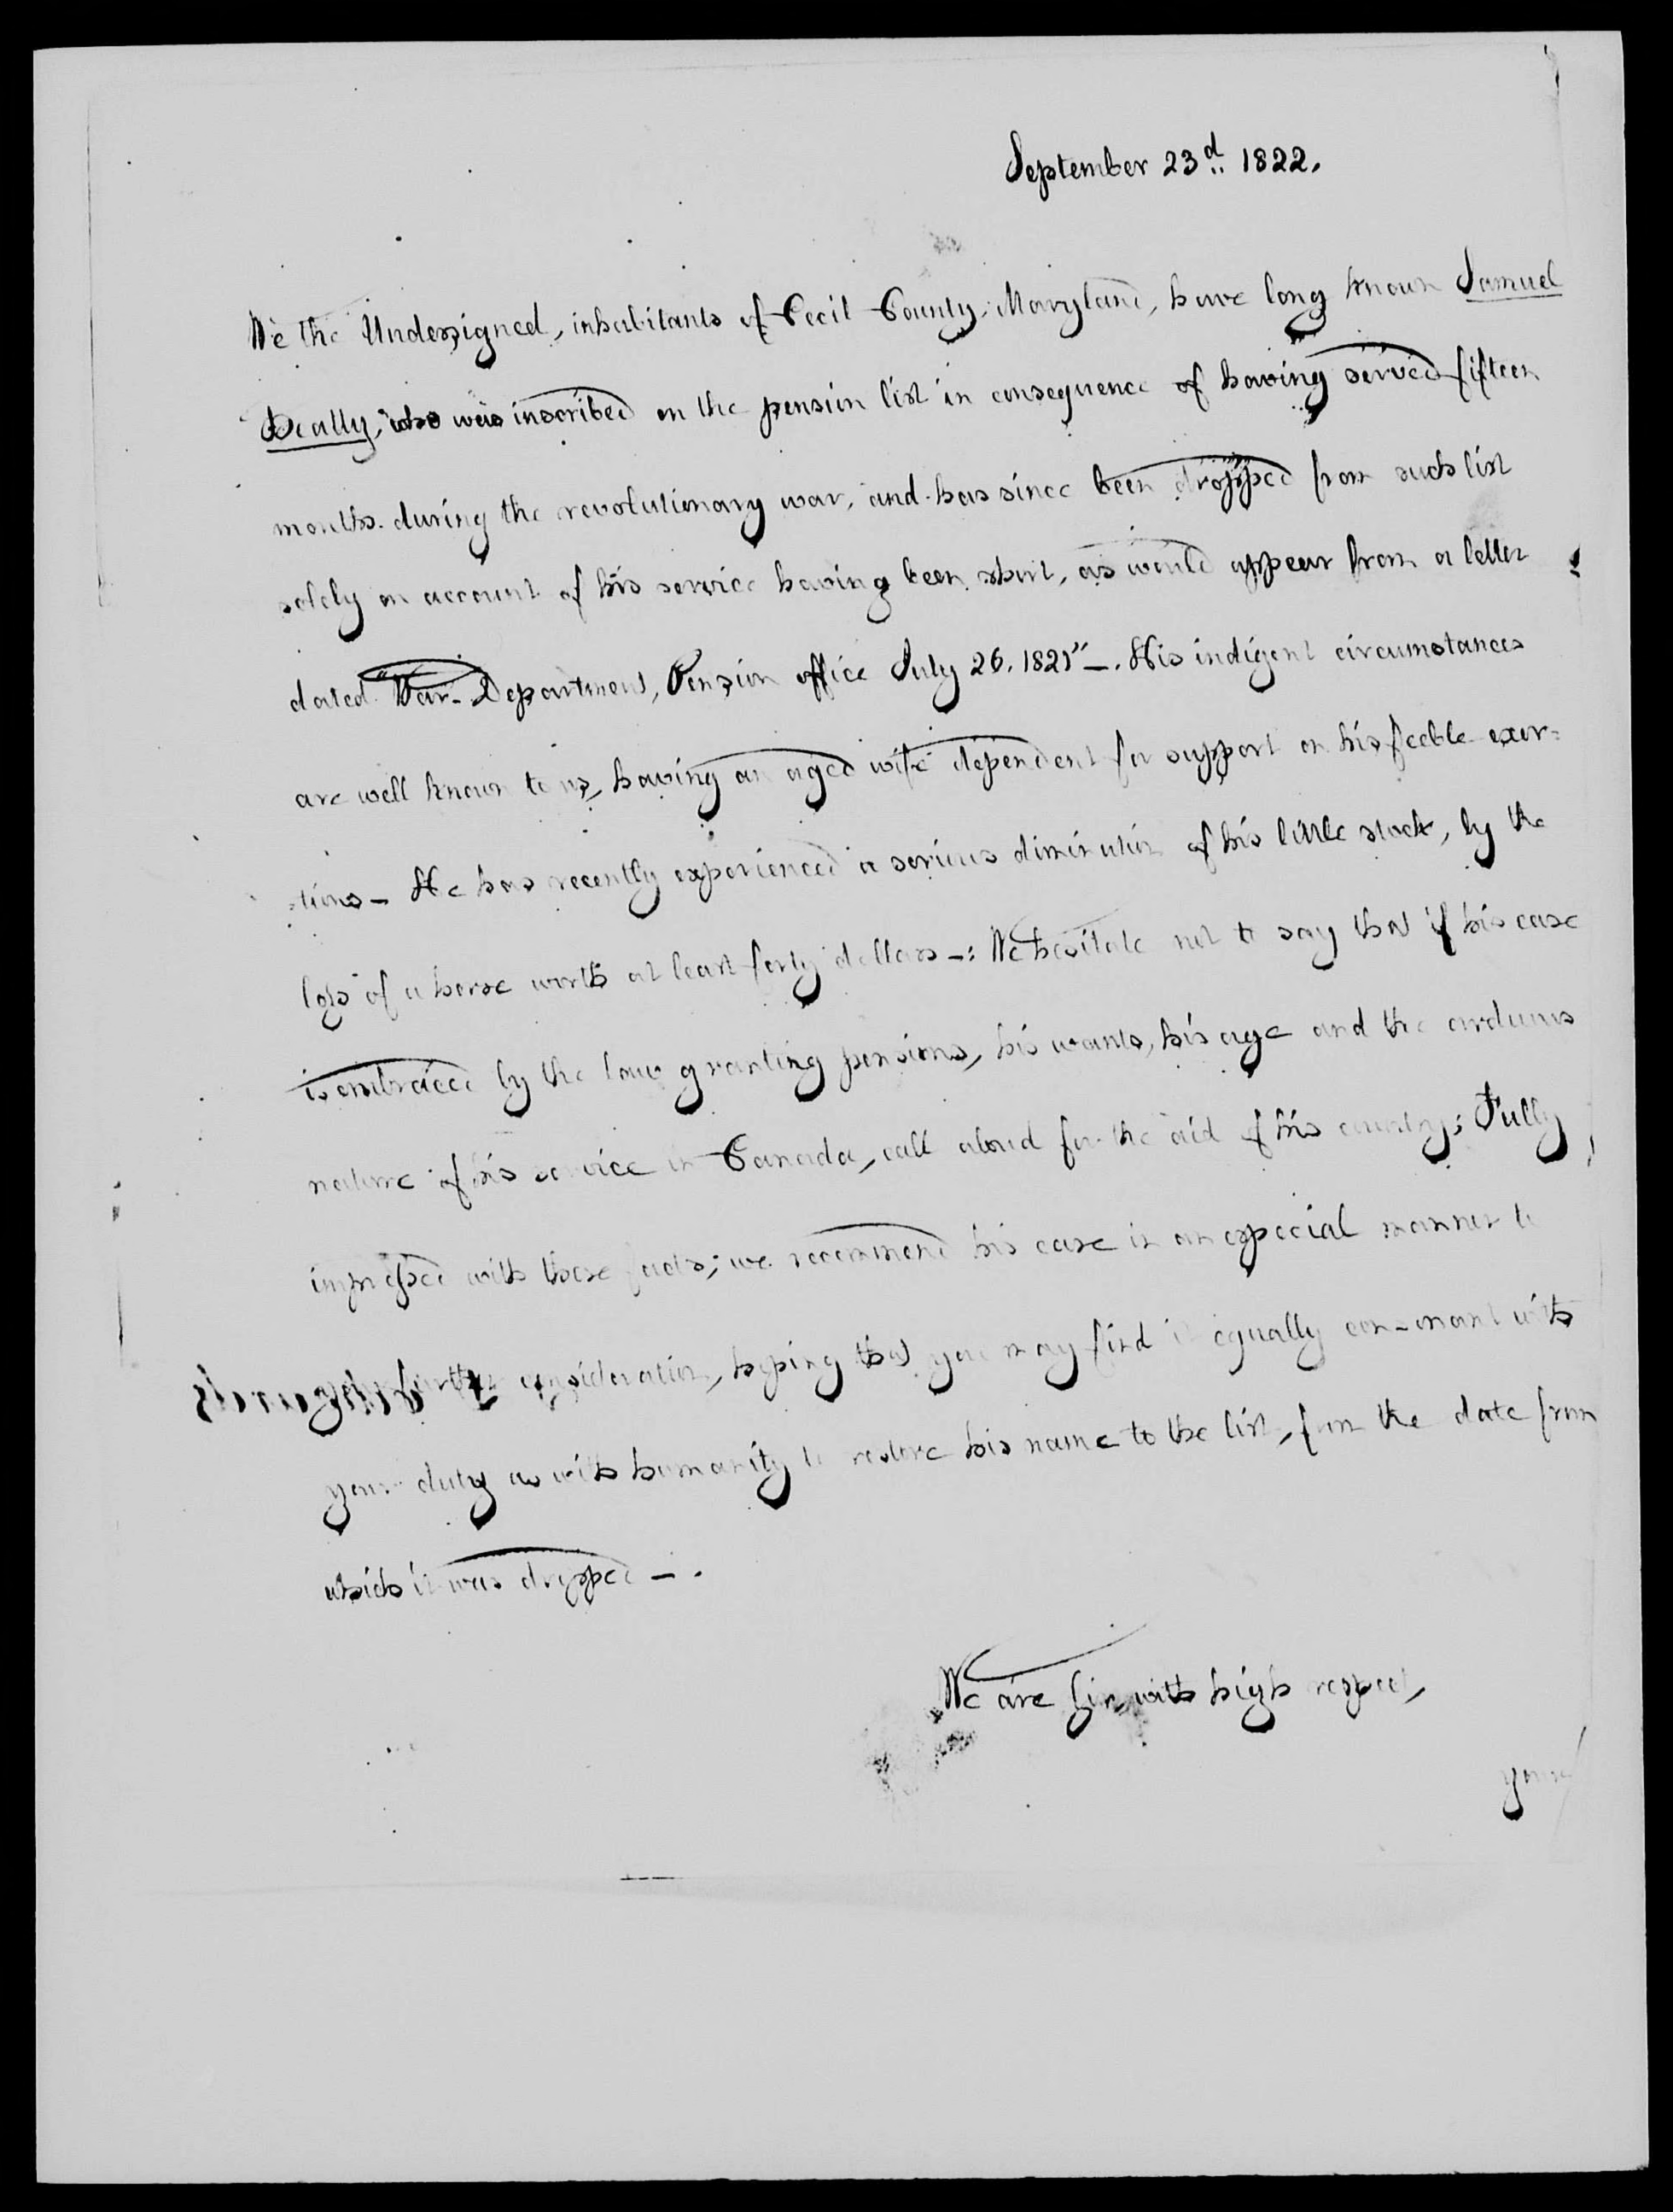September 23d 1822.
We, the undersigned, inhabitants of Cecil County, Maryland, have long known and
ally, who was inscribed in the pension list in consequence of having served fifteen
months during the revolutionary war, and has since been dropped from such solely on account of his service having been short, as would appear from a letter dated War Department, Pension office July 26, 1827. His indignant circumstances are well known to us, knowing an aged wife dependent for support of his feeble pension. She has recently experienced a serious diminution of his little Stock, by the loss of a horse worth at least forty dollars - Which is not to say that if his case is embraced by the same granting pension, his wants, his age and the arduous valor of his service in Canada, all done for the aid of his country; duly  impressed will be made; we recommend his case in  its special manner.
With consideration, hoping that you may find it equally commiserate with your duty as with humility to restore his name to the list, from the date from when it was dropped.
We are yours with high respect.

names: Samuel Beatty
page: 19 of 31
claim: survivor's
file: S. 34646, Samuel Beaty, Penn.